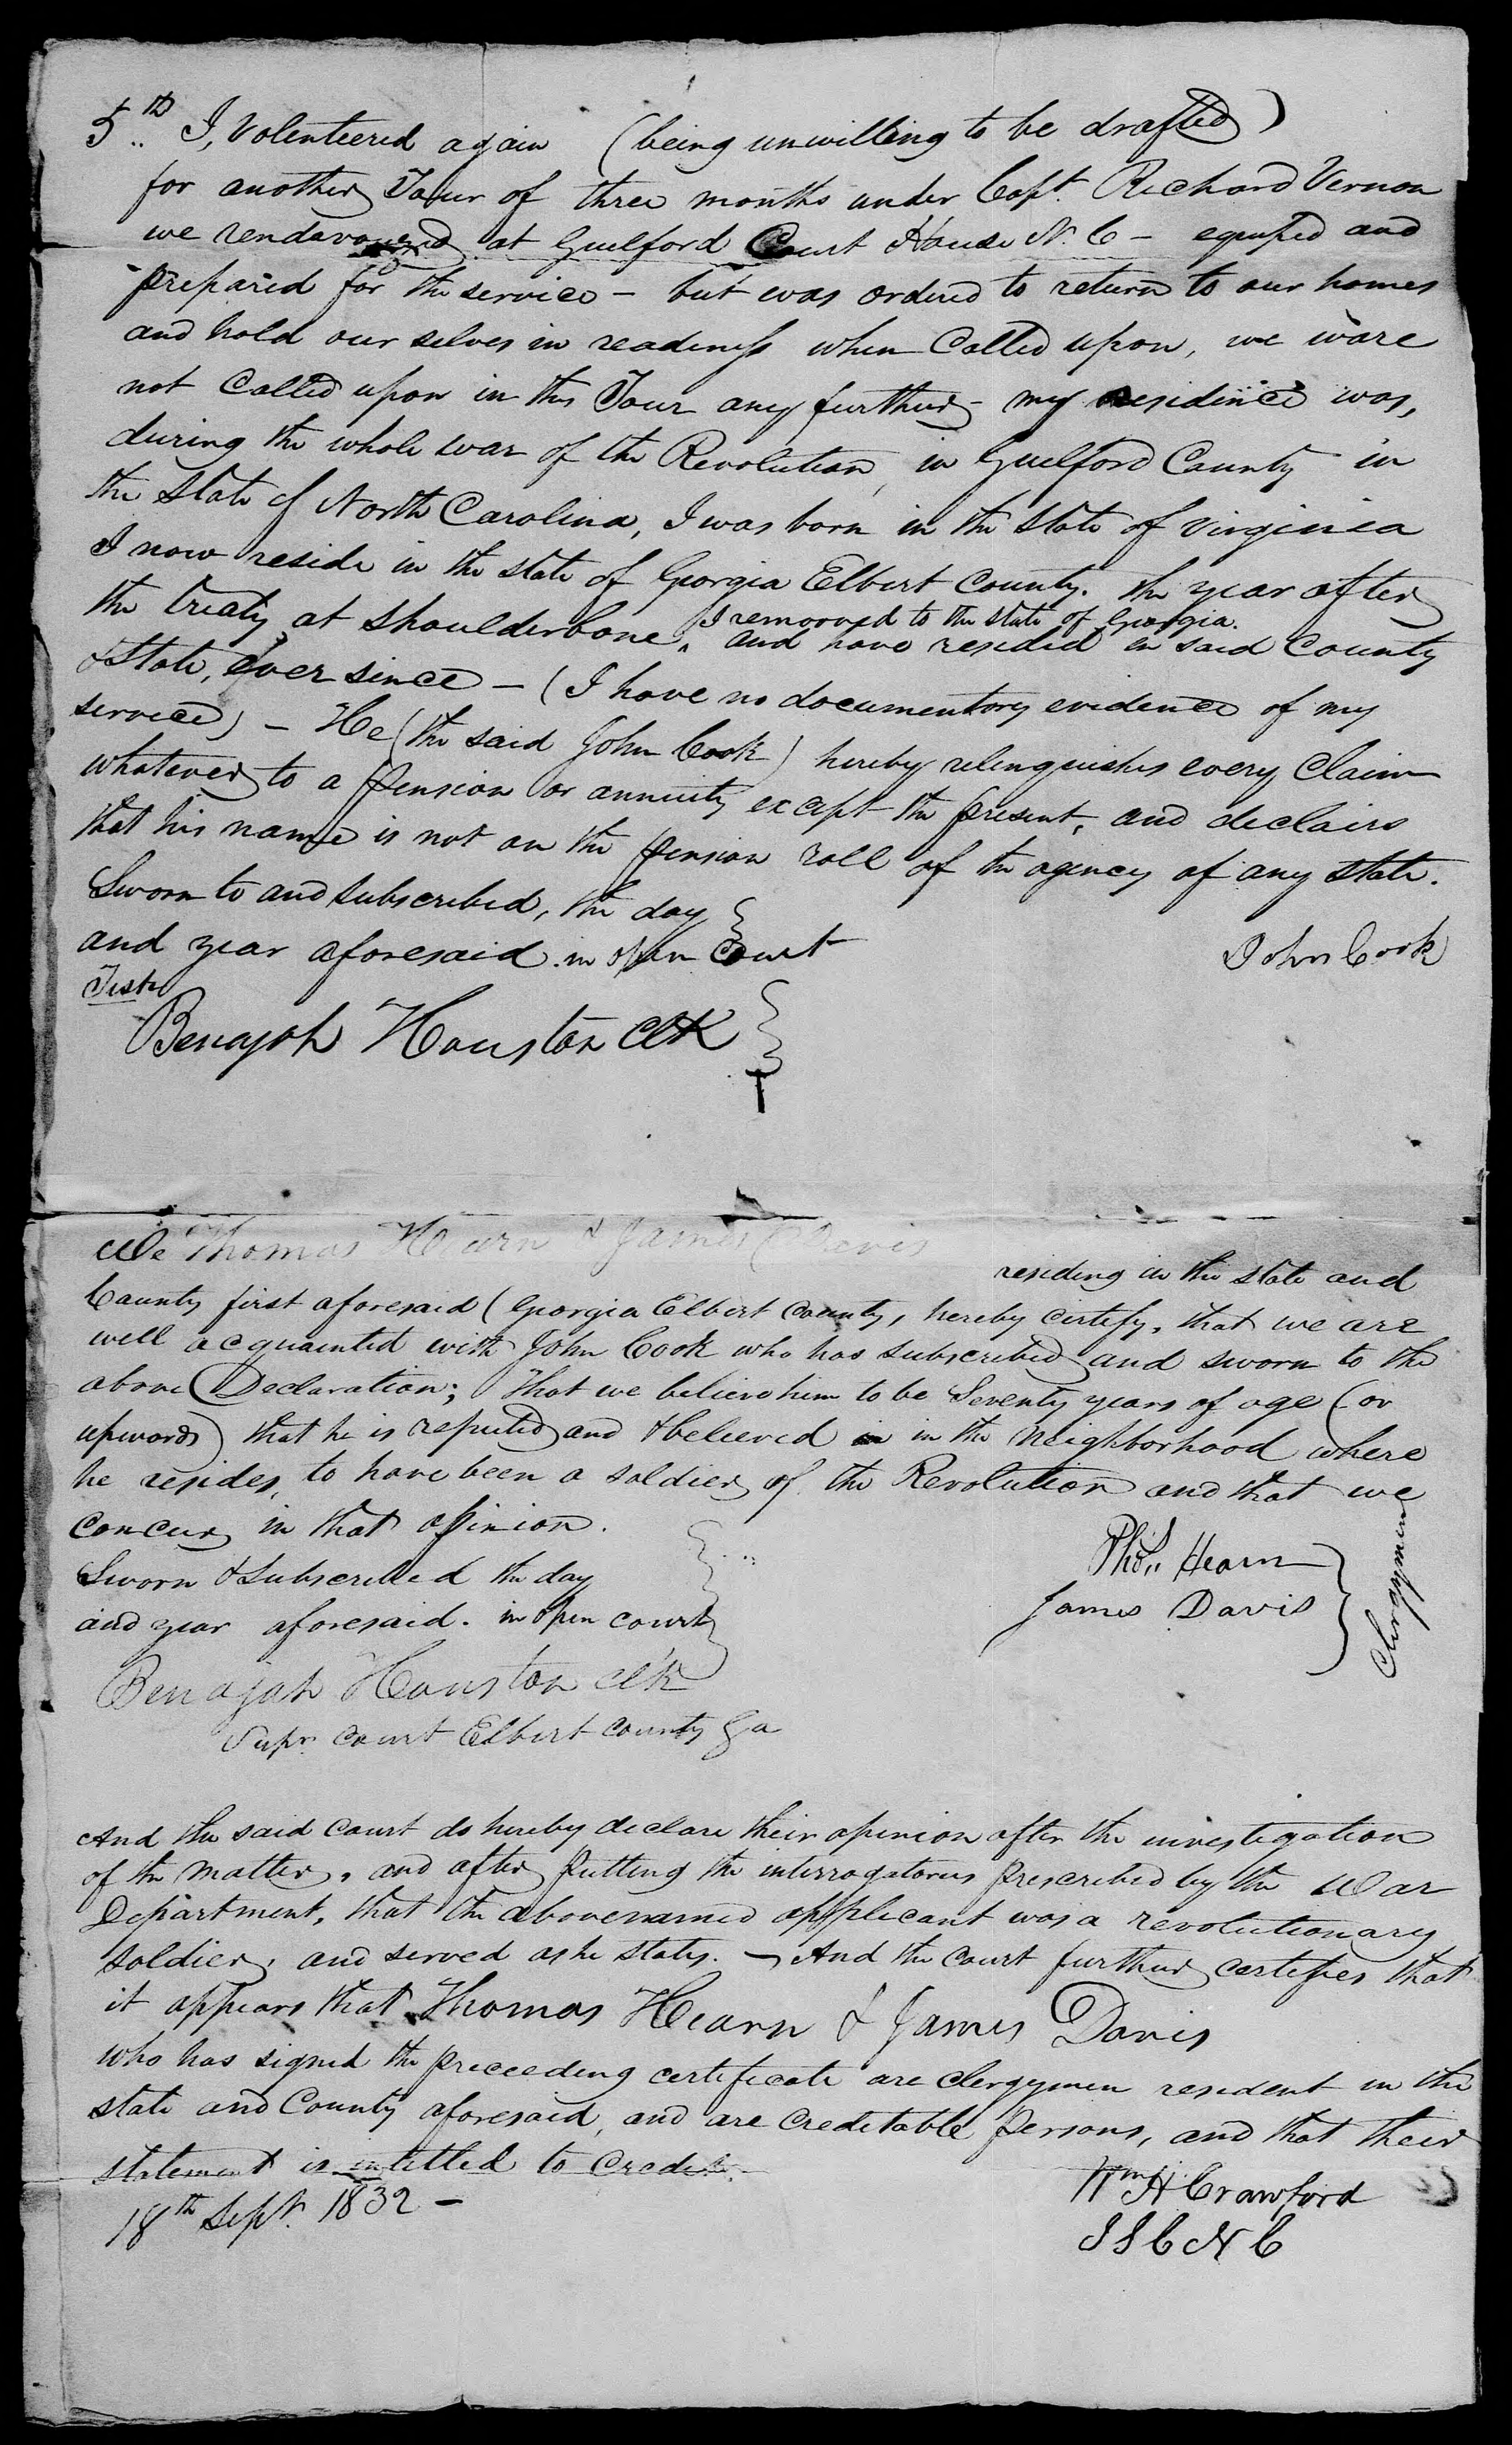5th.  I volunteered again (being unwilling to be drafted) for another Tour of three months under Capt. Richard Vernon we rendevoused at Guilford Court House N.C - equipped and prepared for the service - but was ordered to return to our homes and hold ourselves in readiness when Called upon, we were not called upon in this Tour any further - my residence was, during the whole war of the Revolution, in Guilford County in the State of North Carolina. I was born in the State of Virginia I now reside in the state of Georgia Elbert County. The year after the treaty, at Shoulderbone, I removed to the State of Georgia and have resided in said County & State ever since - (I hae no documentary evidence of any service) - He (the said John Cook) hereby relinquishes every claim whatever to a pension or annuity except the present, and declares that his name is not on the pension roll of the agency of any state.
John Cook
Sworn to and subscribed, the day   )
and year aforesaid in open Court    )
[illegible]
Benajah Houston Clk

We Thomas Hearn & James Davis residing in the State and County first aforesaid (Georgia Elbert County) hereby certify, that we are well acquainted with John Cook who has subscribed and sworn to the above Declaration; That we believe him to be Seventy years of age (or upward) that he is reputed and believed in the neighborhood where he resides to have been a solider of the Revolution and that we concur in that opinion.
ThoS Hearn  )
James Davis  )  Clergymen
Sworn & Subscribed the day        )
and year aforesaid in open court  )
Benajah Houston Clk
  Supr. Court Elbert County Ga

And the said court do hereby declare their opinion after the investigation of the matter, and after putting the interrogarories prescribed by the War Department, that the abovenamed applicant was a revolutionary soldier, and served as he states - And the court further certifies that it appears that Thomas Hearn & James Davis who has signed the preceeding certificate are clergymen resident in the state and county aforesaid, and are creditable persons, and that their statement is entitled to credit.
18th Sept. 1832 -
Wm H Crawford
JSCNC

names: James Davis, Benajah Hauston, Thos Hearn, Richard Vernon, James Davis, Wm H Crawford, Thomas Hearn, John Cook, John Cook, Thomas Hearn, Benajah Hauston, John Cook, James Davis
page: 5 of 18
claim: survivor's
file: S. 16,343, John Cook, N.C.